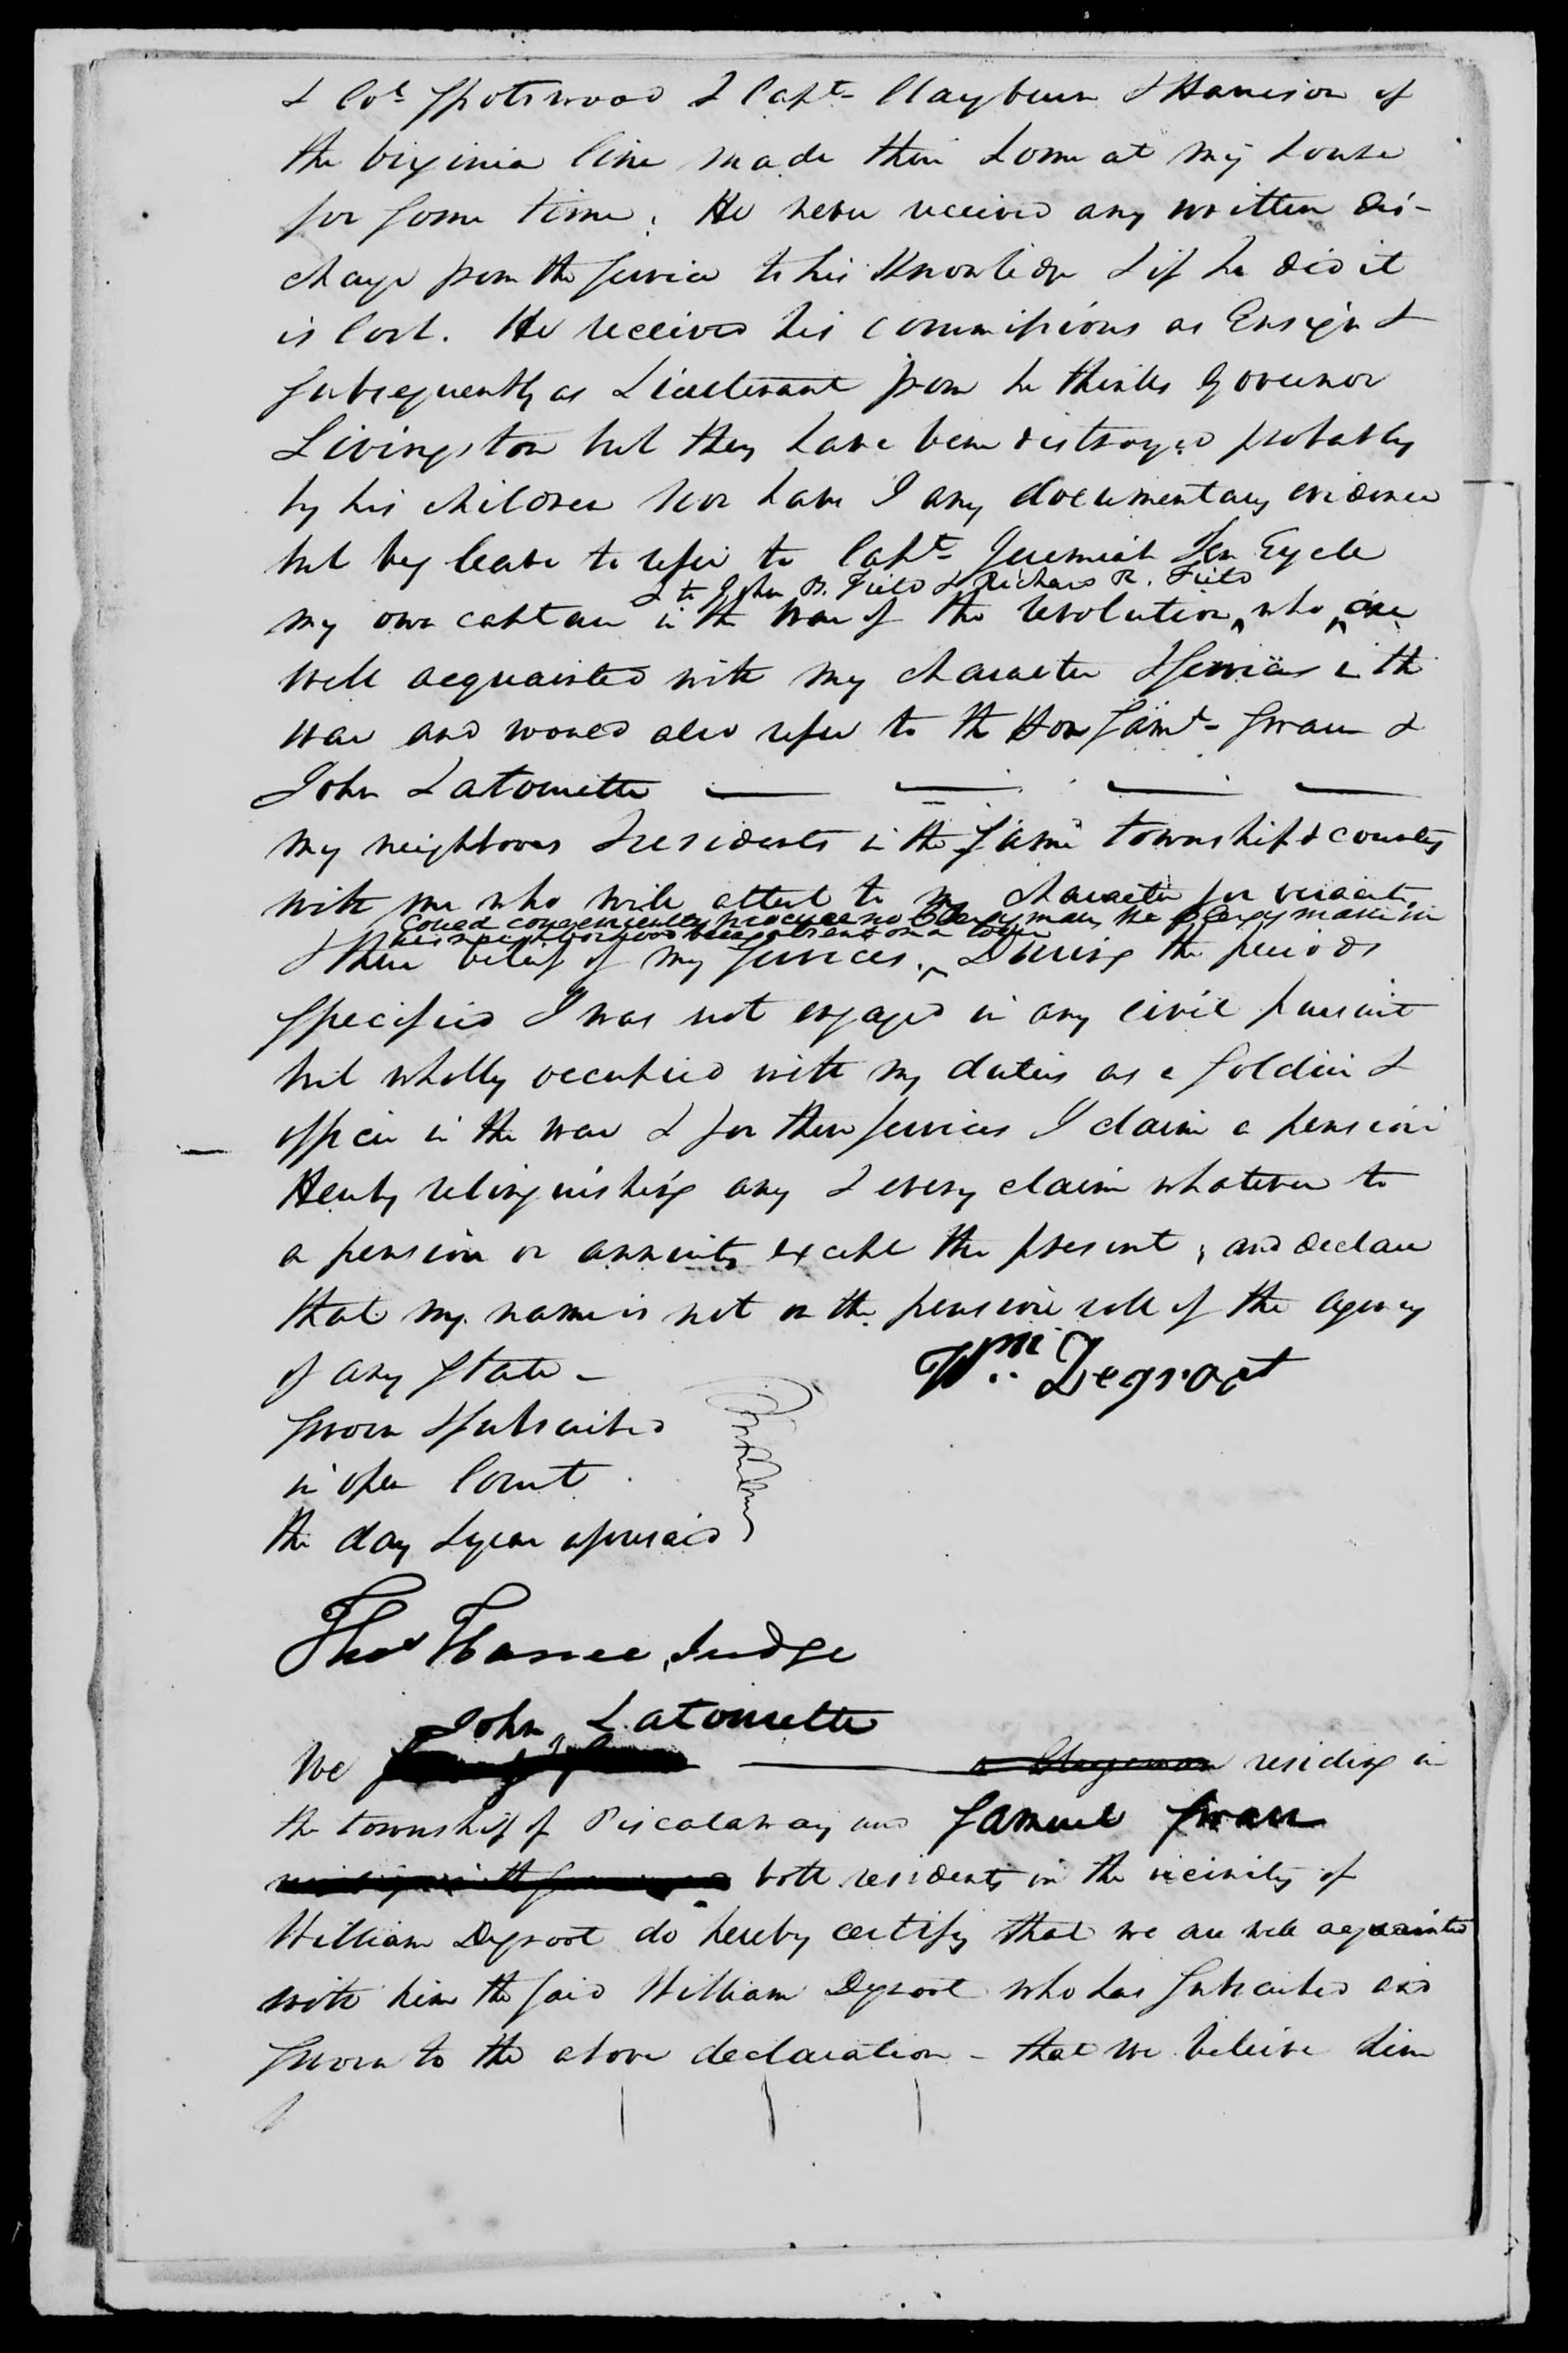+ Col Spotswood + Capt. Clayburn + Hanison of the Virginia line made their home at my house for some time. He never received any written discharge from the service to his knowledge + if he did it is lost.  He received his commission as Ensign + subsequently as lieutenant from he thinks Governor Livingston but they have been destroyed probably by his children nor have I any documentary evidence but by leads to refer to Capt. Jeremiah Ten Eych my own captain in the war of the revolution + to John B. Field + Richard R. Field who are well acquainted with my character + services in the war and would also refer to the Hon Saml Swain + John Latourette -- -
  My neighbors + residents in the same township + county with me who will attest to my character for veracity + their belief of my services could consequently procure no Clergyman the [illegible] in his neighborhood being absent on a tour. During the period specified I was not engaged in any civil pursuit but wholly occupied  with my duties as a soldier + officer in the war + for these services I claim a pension hereby relinquishing any + every claim whatever to a pension or annuity  except the present, and declare that my name is not on the pension rolls of the agency of any state.  Wm Degroot
Sworn + subscribed in open Court the day + year aforesaid } Thos Hance, Judge
We John Latourette residing in the township of Piscataway and Samuel Swan both residents in the vicinity of William Degroot do hereby certify that we are well acquainted with him the said William Degroot who has subscribed and sworn to the above declaration - that we believe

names: Jeremiah Ten Eyck, Spotswood, Saml Swan, John Latourette, John Latourette, William Degroot, Samuel Swan, Thos Hance, Richard R Field, Clayburn, John B Field, Wm Degroot, William Degroot, Hanison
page: 8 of 77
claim: widow's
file: W. 417, William De Groot, New Jersey